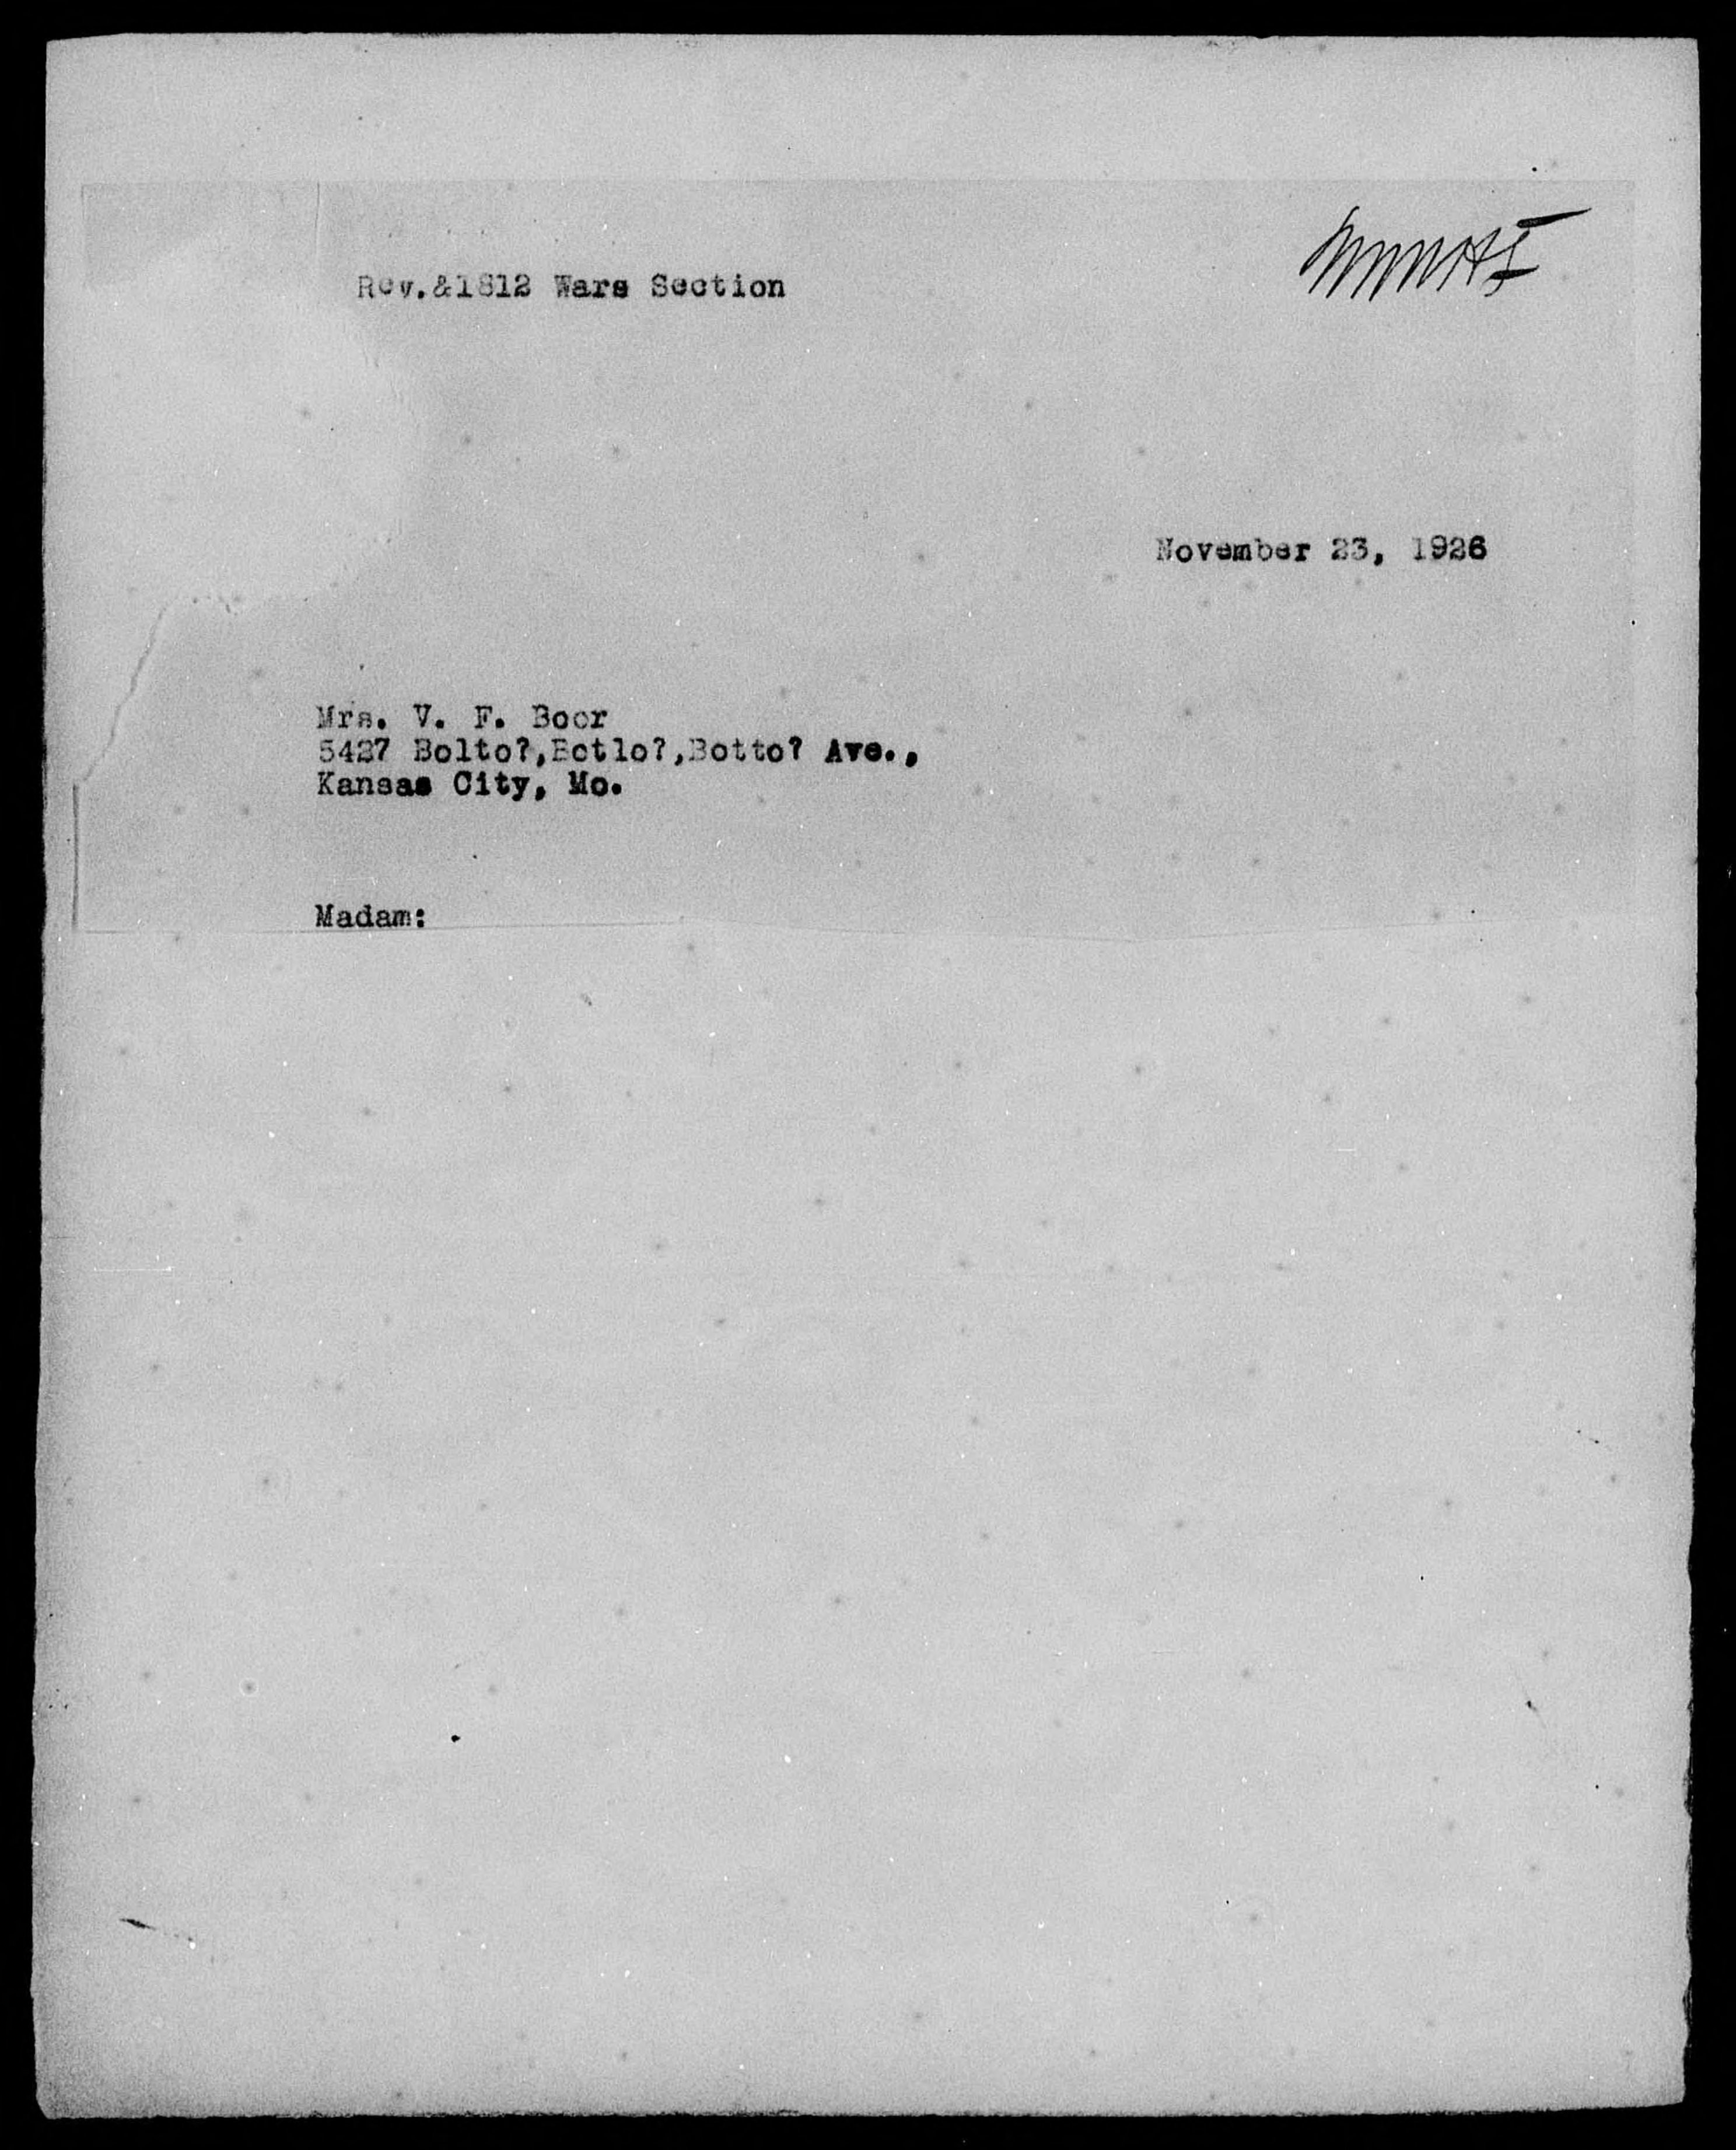MMHF
Rev.&1812 Wars Section
November 23, 1926

Mrs. V. F. Boor
5427 Bolto?, Botlo?, Botto? Ave.,
Kansas City, Mo.

Madam:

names: V F Boor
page: 29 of 58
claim: survivor's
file: S. 6,941, Starling Gunn, Continental Va.